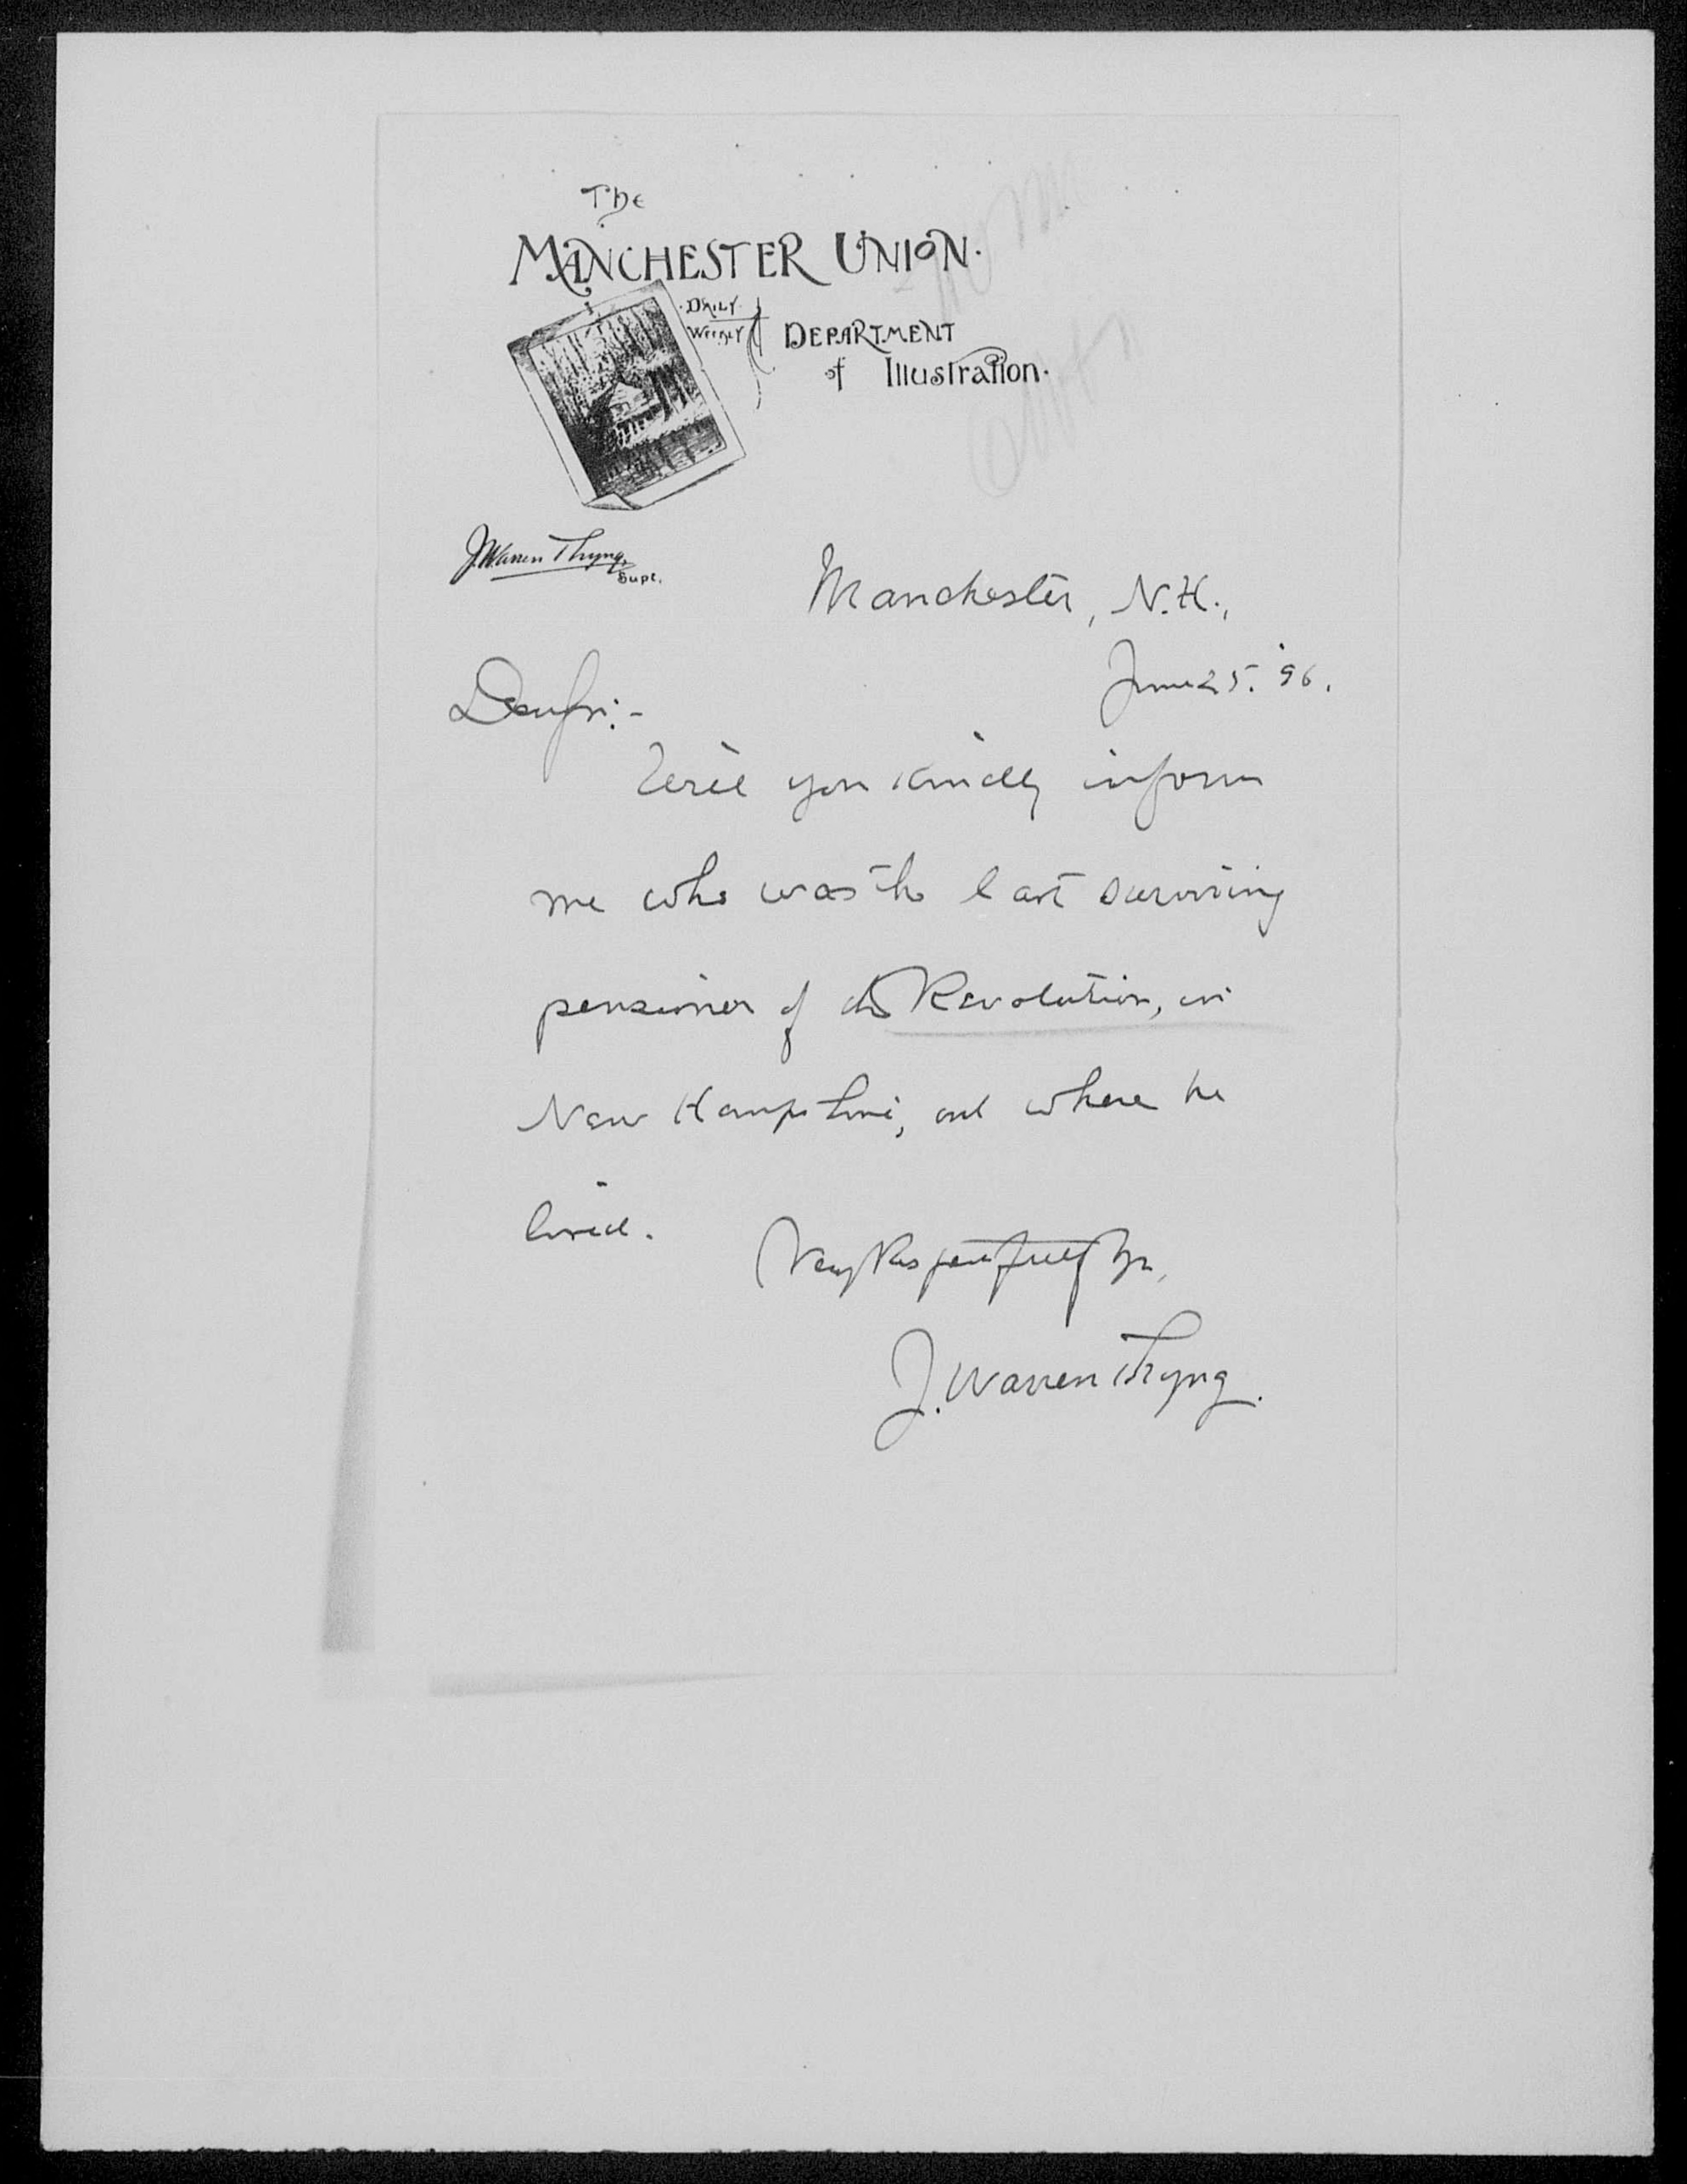The MANCHESTER UNION DAILY WEEKLY DEPARTMENT of Illustration 
J Warren Thyng Supt.
Manchester, N.H., June 25. 96.
Dear Sir:
Will you kindly inform me who was the last surviving pensioner of the Revolution, in New Hampshire, and where he lived.
Very Respectfully,
J. Warren Thyng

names: J Warren Thyng, J Warren Thyng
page: 42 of 56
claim: survivor's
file: S. 40,055, Samuel Downing, N.H.